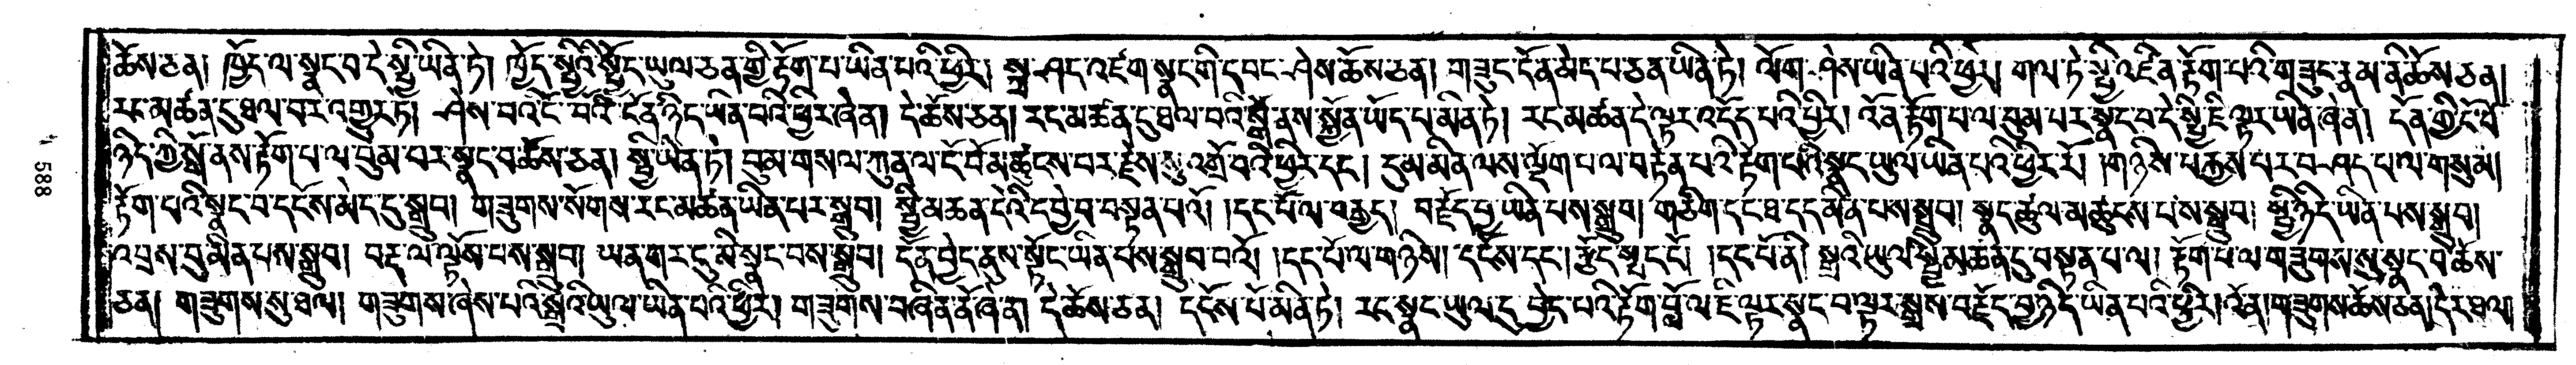ཆོས་ཅན། ཁྱོད་ལ་སྣང་བ་དེ་སྤྱི་ཡིན་ཏེ། ཁྱོད་སྤྱིའི་སྤྱོད་ཡུལ་ཅན་གྱི་རྟོག་པ་ཡིན་པའི་ཕྱིར། སྐྲ་ཤད་འཛག་སྣང་གི་དབང་ཤེས་ཆོས་ཅན། གཟུང་དོན་མེད་པ་ཅན་ཡིན་ཏེ། ལོག་ཤེས་ཡིན་པའི་ཕྱིར། གལ་ཏེ་སྤྱི་འཛིན་རྟོག་པའི་གཟུང་རྣམ་ནི་ཆོས་ཅན།
རང་མཚན་དུ་ཐལ་བར་འགྱུར་ཏེ། ཤེས་པའི་ངོ་བོའི་དོན་ཉིད་ཡིན་པའི་ཕྱིར་ཞེ་ན། དེ་ཆོས་ཅན། རང་མཚན་དུ་ཐལ་བའི་སྒོ་ནས་སྐྱོན་ཡོད་པ་མིན་ཏེ། རང་མཚན་དེ་ལྟར་འདོད་པའི་ཕྱིར། འོ་ན་རྟོག་པ་ལ་བུམ་པར་སྣང་བ་དེ་སྤྱི་ཇི་ལྟར་ཡིན་ཞེ་ན། དོན་གྱི་ངོ་བོ་
ཉིད་ཀྱི་སྒོ་ནས་རྟོག་པ་ལ་བུམ་པར་སྣང་བ་ཆོས་ཅན། སྤྱི་ཡིན་ཏེ། བུམ་གསལ་ཀུན་ལ་ངོ་བོ་མཚུངས་པར་རྗེས་སུ་འགྲོ་བའི་ཕྱིར་དང་། དུ་མ་མིན་ལས་ལྡོག་པ་ལ་བརྟེན་པའི་རྟོག་པའི་སྣང་ཡུལ་ཡིན་པའི་ཕྱིར་རོ། །གཉིས་པ་རྒྱས་པར་བཤད་པ་ལ་གསུམ།
རྟོག་པའི་སྣང་བ་དངོས་མེད་དུ་སྒྲུབ། གཟུགས་སོགས་རང་མཚན་ཡིན་པར་སྒྲུབ། སྤྱི་མཚན་དེའི་དབྱེ་བ་བསྟན་པའོ། །དང་པོ་ལ་བརྒྱད། བརྗོད་བྱ་ཡིན་པས་སྒྲུབ། གཅིག་དང་ཐ་དད་མིན་པས་སྦྲུབ། སྣང་ཚུལ་མཚུངས་པས་སྒྲུབ། སྤྱི་ཉིད་ཡིན་པས་སྒྲུབ།
འབྲས་བུ་མིན་པས་སྒྲུབ། བརྡ་ལ་ལྟོས་པས་སྒྲུབ། ཡན་གར་དུ་མི་སྣང་བས་སྒྲུབ། དོན་བྱེད་ནུས་སྟོང་ཡིན་པས་སྒྲུབ་པའོ། །དང་པོ་ལ་གཉིས། དངོས་དང་། རྩོད་སྤང་ངོ། །དང་པོ་ནི། སྒྲའི་ཡུལ་སྤྱི་མཚན་དུ་བསྟན་པ་ལ། རྟོག་པ་ལ་གཟུགས་སུ་སྣང་བ་ཆོས་
ཅན། གཟུགས་སུ་ཐལ། གཟུགས་ཞེས་པའི་སྒྲའི་ཡུལ་ཡིན་པའི་ཕྱིར། གཟུགས་བཞིན་ནོ་ཞེ་ན། དེ་ཆོས་ཅན། དངོས་པོ་མིན་ཏེ། རང་སྣང་ཡུལ་དུ་བྱེད་པའི་རྟོག་བློ་ལ་ཇི་ལྟར་སྣང་བ་ལྟར་སྒྲས་བརྗོད་བྱ་ཉིད་ཡིན་པའི་ཕྱིར། འོ་ན། གཟུགས་ཆོས་ཅན། དེར་ཐལ།